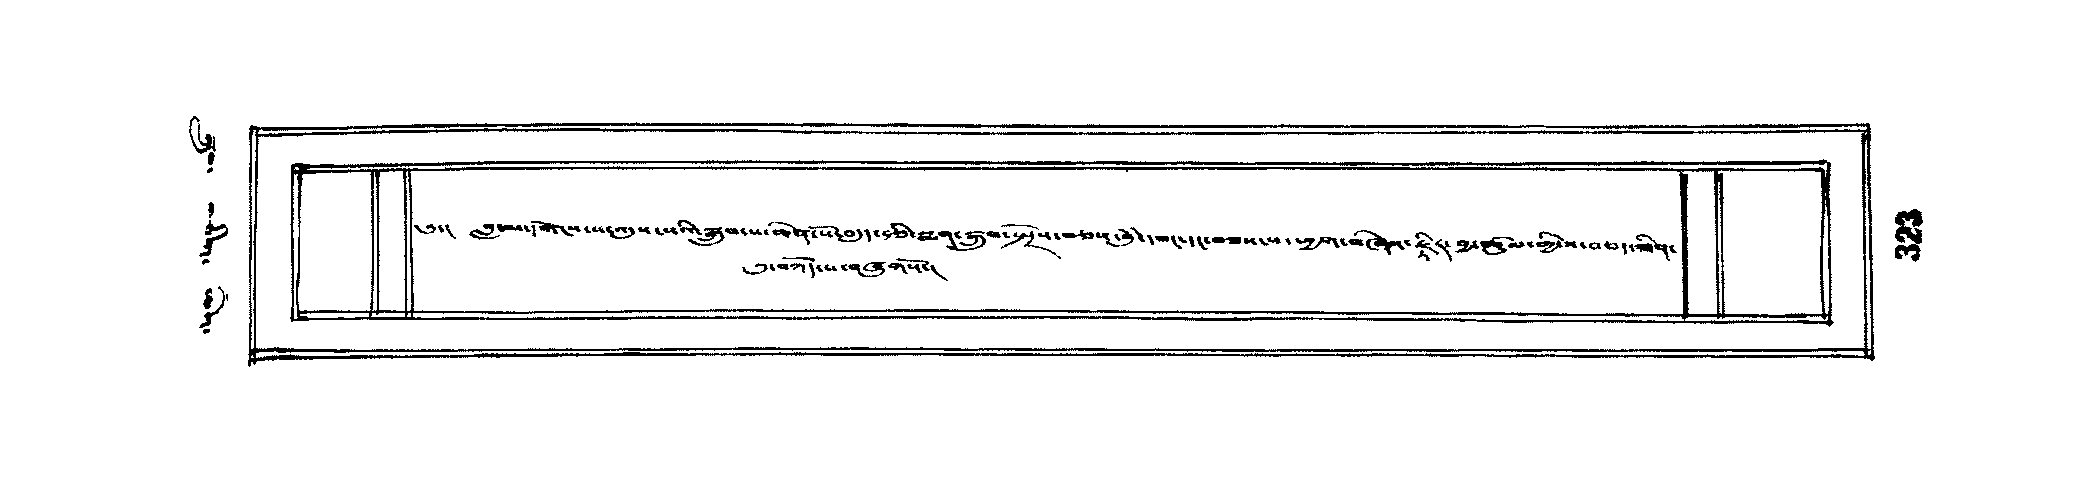༄༅། བླ་མ་དགོངས་པ་འདུས་པའི་སྒྲུབ་པ་ཆེན་པོ་བདུད་རྩི་སྨན་སྒྲུབ་སྤྲོས་བཅས་བུམ་དབང་དང་བཅས་པ་ཕྱག་བཞེས་ཇི་ལྟར་བྱ་ཚུལ་གྱི་ས་བཅད་ཟིན་
དུ་བཀོད་པ་བཞུགས་སོ།